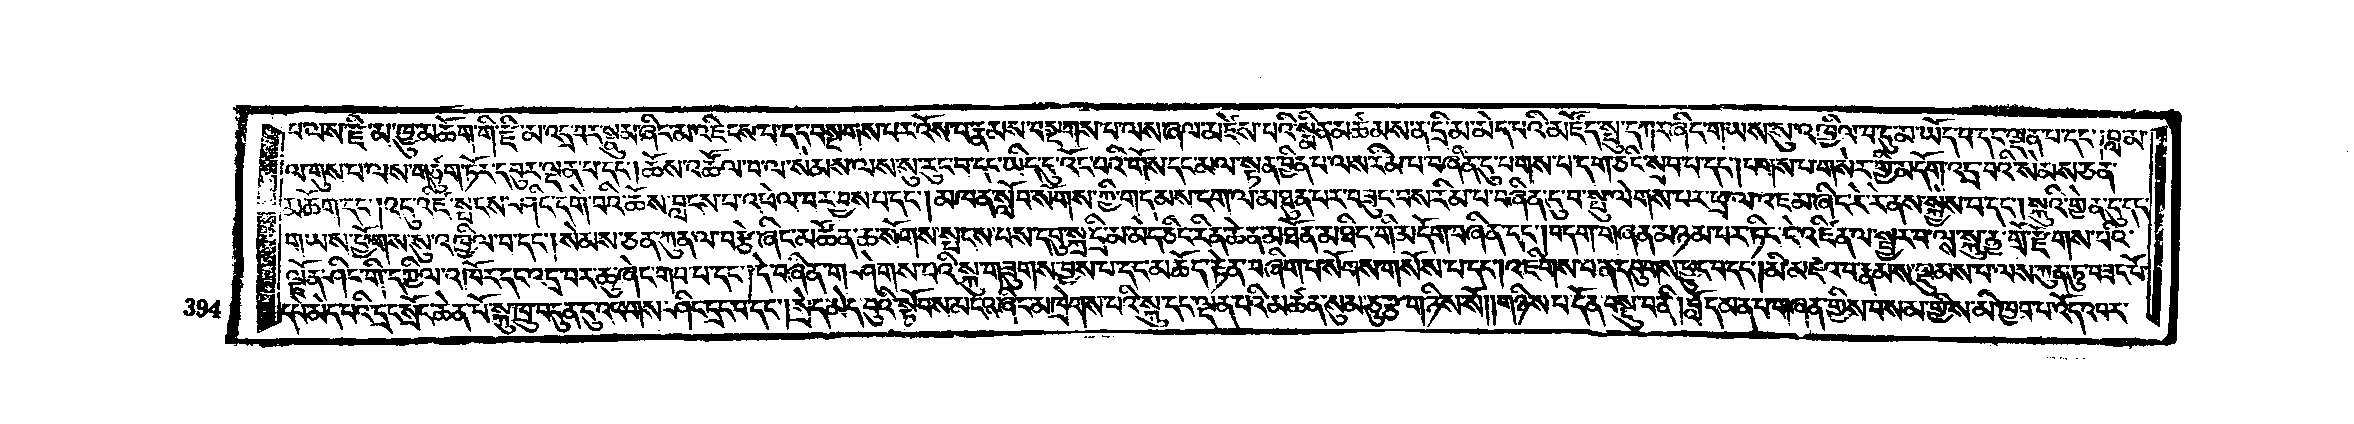པ་ལས་རྫི་མ་ཁྱུ་མཆོག་གི་རྫི་མ་འདྲ་བར་སྣུམ་ཞིང་མ་འཇིངས་པ་དང་བསྔགས་པར་འོས་པ་རྣམས་བསྔགས་པ་ལས་ཞལ་མཛེས་པའི་སྨིན་མཚམས་ན་དྲི་མ་མེད་པའི་མཛོད་སྤུ་དཀར་ཞིང་གཡས་སུ་འཁྱིལ་བ་དུ་མ་ཡོད་པ་དང་ལྡན་པ་དང་། བླ་མ་
ལ་གུས་པ་ལས་གཙུག་ཏོར་དབུར་ལྡན་པ་དང་། ཆོས་འཚོལ་བ་ལ་སེམས་ལས་སུ་རུང་བ་དང་ཡིད་དུ་འོང་བའི་གོས་དང་མལ་སྟན་བྱིན་པ་ལས་རིམ་པ་བཞིན་དུ་པགས་པ་དག་ཅིང་སྲབ་པ་དང་། པགས་པ་གསེར་གྱི་མདོག་འདྲ་བའི་སེམས་ཅན་
མཆོག་དང་། འདུ་འཛི་སྤངས་ཤིང་དགེ་བའི་ཆོས་བླངས་པ་འཕེལ་བར་བྱས་པ་དང་། མཁན་སློབ་སོགས་ཀྱི་གདམས་ངག་ལ་མཐུན་པར་བཟུང་བས་རིམ་པ་བཞིན་དུ་བ་སྤུ་ལེགས་པར་ཕྲ་ལ་འཇམ་ཞིང་རེ་རེ་ནས་སྐྱེས་པ་དང་། སྐུའི་གྱེན་དུ་དང་
གཡས་ཕྱོགས་སུ་འཁྱིལ་བ་དང་། སེམས་ཅན་ཀུན་ལ་བརྩེ་ཞིང་མཚོན་ཆ་སོགས་སྤངས་པས་དབུ་སྐྲ་དྲི་མ་མེད་ཅིང་རིན་ཆེན་མཐོན་མཐིང་གི་མདོག་བཞིན་དང་། བདག་གཞན་མཉམ་པར་ཏིང་ངེ་འཛིན་ལ་སྦྱར་བ་ལས་སྐུ་ནཡ་གྲོ་རྫོགས་པའི་
ལྗོན་ཤིང་གི་དཀྱིལ་འཁོར་དང་འདྲ་བར་ཆུ་ཞེང་གབ་པ་དང་། དེ་བཞིན་གཤེགས་པའི་སྐུ་གཟུགས་བྱས་པ་དང་མཆོད་རྟེན་བཞིག་པ་སོགས་གསོས་པ་དང་། འཇིགས་པ་ན་དབུགས་ཕྱུང་བ་དང་། མི་མཛའ་བ་རྣམས་ལྡུམས་པ་ལས་ཀུན་ཏུ་བཟང་པོ་
དཔེ་མེད་པའི་དྲང་སྲོང་ཆེན་པོ་སྐུ་ཁྲུ་བདུན་དུ་འཕགས་ཤིང་དྲང་བ་དང་། སྲེད་མེད་བུའི་སྟོབས་མངའ་ཞིང་མཁྲེགས་པའི་སྐུ་དང་ལྡན་པའི་མཚན་སུམ་ཅུ་རྩ་གཉིས་སོ། །གཉིས་པ་དོན་བསྡུ་བ་ནི། བློ་དམན་པ་གཞན་གྱིས་བསམ་གྱིས་མི་ཁྱབ་པ་འོད་འབར་